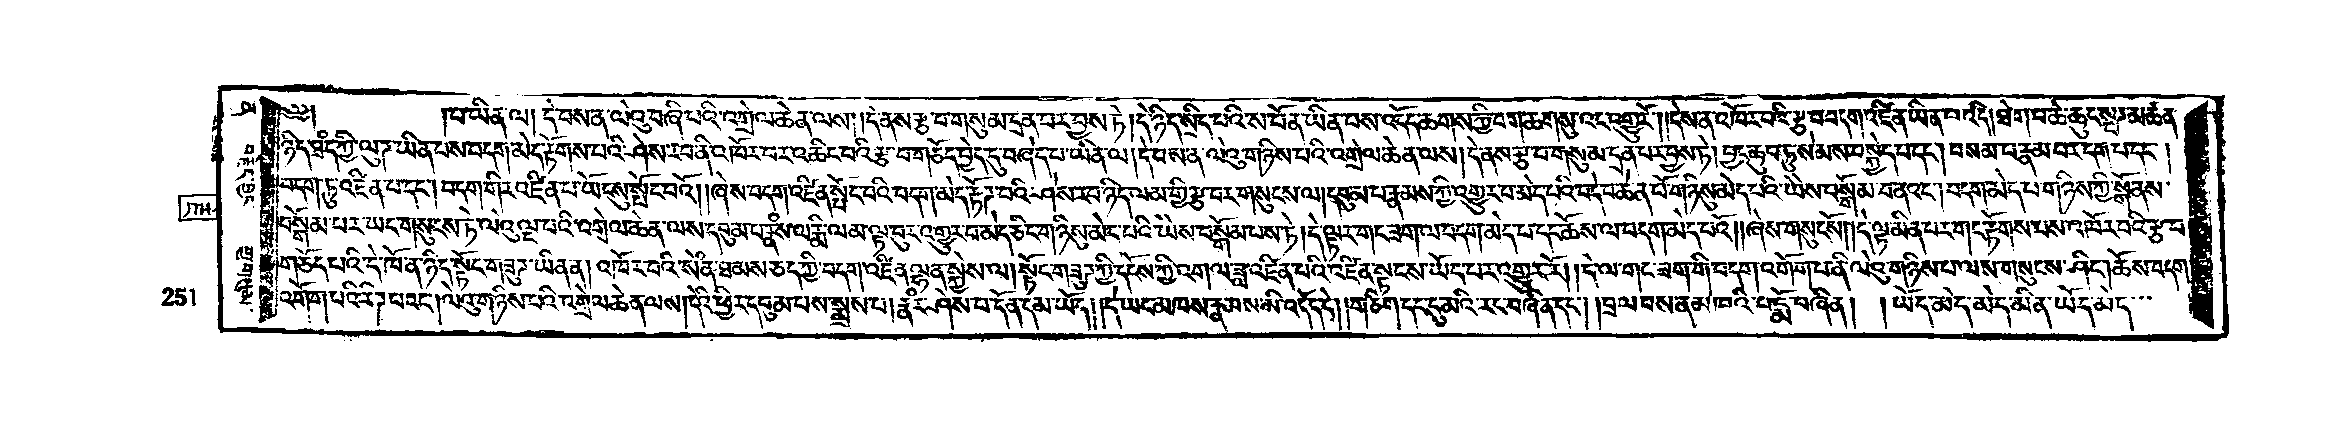༄༅། །པ་ཡིན་ལ། དེ་བས་ན་ལེའུ་བཞི་པའི་འགྲེལ་ཆེན་ལས། །དེ་ནས་རྩ་བ་གསུམ་དྲན་པར་བྱས་ཏེ། དེ་ཉིད་སྲིད་པའི་ས་བོན་ཡིན་པས་འདོད་ཆགས་ཀྱི་བག་ཆགས་སུ་འང་འགྱུར་རོ། །དེས་ན་འཁོར་བའི་རྩ་བ་བདག་འཛིན་ཡིན་པ་འདི། ཐེག་པ་ཆེ་ཆུང་སྔགས་མཚན་
ཉིད་ཐམས་ཅད་ཀྱི་ལུགས་ཡིན་པས་བདག་མེད་རྟོགས་པའི་ཤེས་རབ་ནི་འཁོར་བར་འཆིང་བའི་རྩ་བ་གཅོད་བྱེད་དུ་བཞེད་པ་ཡིན་ལ། དེ་བས་ན་ལེའུ་གཉིས་པའི་འགྲེལ་ཆེན་ལས། དེ་ནས་རྩ་བ་གསུམ་དྲན་པར་བྱས་ཏེ། བྱང་ཆུབ་ཏུ་སེམས་བསྐྱེད་པ་དང་། བསམ་པ་རྣམ་པར་དག་པ་དང་།
བདག་ཏུ་འཛིན་པ་དང་། བདག་གིར་འཛིན་པ་ཡོངས་སུ་སྤོང་བའོ། །ཞེས་བདག་འཛིན་སྤོང་བའི་བདག་མེད་རྟོགས་པའི་ཤེས་རབ་ཉིད་ལམ་གྱི་རྩ་བར་གསུངས་ལ། དབུ་མ་པ་རྣམས་ཀྱི་འགྱུར་བ་མེད་པའི་བདེ་བ་ཆེན་པོ་གཉིས་སུ་མེད་པའི་ཡཻས་བསྒོམ་པ་ནའང་། བདག་མེད་པ་གཉིས་ཀྱི་སྒོ་ནས་
བསྒོམ་པར་ཡང་གསུངས་ཏེ་ལེའུ་ལྔ་པའི་འགྲེལ་ཆེན་ལས་དབུ་མ་པ་རྣམས་ལ་རྨི་ལམ་ལྟ་བུར་འགྱུར་བ་མེད་ཅིང་གཉིས་སུ་མེད་པའི་ཡེ་ཤེས་བསྒོམ་པས་ཏེ། དེ་ལྟར་གང་ཟག་ལ་བདག་མེད་པ་དང་ཆོས་ལ་བདག་མེད་པའོ། །ཞེས་གསུངས་སོ། །དེ་ལྟ་མིན་པར་གང་རྟོགས་པས་འཁོར་བའི་རྩ་བ་
གཅོད་པའི་དེ་ཁོ་ན་ཉིད་སྟོང་གཟུགས་ཡིན་ན། འཁོར་བའི་སེམས་ཅན་ཐམས་ཅད་ཀྱི་བདག་འཛིན་ལྷན་སྐྱེས་ལ། སྟོང་གཟུགས་ཀྱི་དངོས་ཀྱི་འགལ་ཟླ་འཛིན་པའི་འཛིན་སྟངས་ཡོད་པར་འགྱུར་རོ། །དེ་ལ་གང་ཟག་གི་བདག་འགོག་པ་ནི་ལེའུ་གཉིས་པ་ལས་གསུངས་ཤིང་། ཆོས་བདག་
འགོག་པའི་རིགས་པའང་། ལེའུ་གཉིས་པའི་འགྲེལ་ཆེན་ལས། དེའི་ཕྱིར་དབུ་མ་པས་སྨྲས་པ། རྣམ་པར་ཤེས་པ་དོན་དམ་ཡོད། །དེ་ཡང་མཁས་རྣམས་མི་འདོད་དེ། །གཅིག་དང་དུ་མའི་རང་བཞིན་དང་། །བྲལ་བས་ནམ་མཁའི་པདམོ་བཞིན། །ཡོད་མེད་མེད་མིན་ཡོད་མེད་